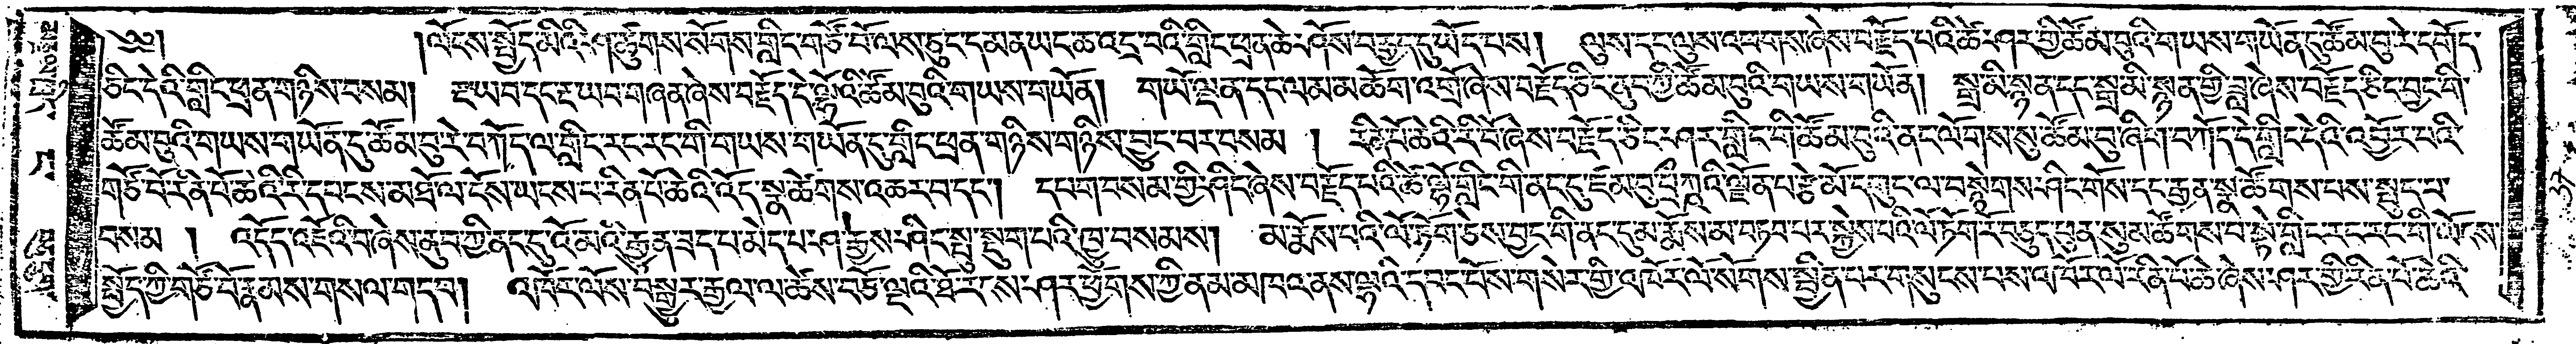༄༅། །ལོངས་སྤྱོད་མིའི་ཤ་ཚུགས་སོགས་གླིང་གཙོ་བོ་ལས་ཅུང་དམན་ཡང་ཆ་འདྲ་བའི་གླིང་ཕྲན་ཆེ་ཤོས་བརྒྱད་དུ་ཡོད་པས། ལུས་དང་ལུས་འཕགས་ཞེས་བརྗོད་བའི་ཚེ་ཤར་གྱི་ཚོམ་བུའི་གཡས་གཡོན་དུ་ཚོམ་བུ་རེ་དགོད་
ཅིང་དེའི་གླིང་ཕྲན་གཉིས་བསམ། རྔ་ཡབ་དང་རྔ་ཡབ་གཞ་ཞེས་བརྗོད་དེ་ལྷོའི་ཚོམ་བུའི་གཡས་གཡོན། གཡོ་ལྡན་དང་ལམ་མཆོག་འགྲོ་ཞེས་བརྗོད་ཅིང་ནུབ་ཀྱི་ཚོམ་བུའི་གཡས་གཡོན། སྒྲ་མི་སྙན་དང་སྒྲ་མི་སྙན་གྱི་ཟླ་ཞེས་བརྗོད་ཅིང་བྱང་གི་
ཚོམ་བུའི་གཡས་གཡོན་དུ་ཚོམ་བུ་རེ་བཀོད་ལ་གླིང་རང་རང་གི་གཡས་གཡོན་དུ་གླིང་ཕྲན་གཉིས་གཉིས་བྱུང་བར་བསམ། རིན་པོ་ཆེའི་རི་བོ་ཞེས་བརྗོད་ཅིང་ཤར་གླིང་གི་ཚོ་མ་བུའི་ནང་ལོགས་སུ་ཚོམ་བུ་ཞིག་བཀོད་དེ་གླིང་དེའི་འབྱོར་བའི་
གཙོ་བོ་རིན་པོ་ཆེའི་རི་དབང་ས་མཐོ་ལ་དོས་ཡངས་པ་རིན་པོ་ཆེའི་འོད་སྣ་ཚོགས་འཆར་བ་དང་། དཔག་བསམ་གྱི་ཤིང་ཞེས་བརྗོད་པའི་ཆེ་ལྷོ་གླིང་གི་ནང་དུ་ཛམ་བུ་བྲྀཀྵའི་ལྗོན་པ་རྩེ་མོ་དགུང་ལ་བསྙེགས་ཤིང་གོས་དང་རྒྱན་སྣ་ཚོགས་པས་སྤུད་པ་
བསམ་།འདུད་འཇོའི་བ་ཞེས་ནུབ་ཀྱི་ནང་དུ་འོ་མའི་རྒྱུན་ཟད་པ་མེད་པ་ཤ་རྒྱས་ཤིང་སྤུ་སྡུག་པའི་ཁྱུ་བསམས། མ་རྨོས་པའི་ལོ་ཏོག་ཅེས་བྱང་གི་ནང་དུ་མ་རྨོས་མ་བཏབ་པར་སྐྱེས་བའི་ལོ་ཏོག་རོ་བཅུད་ཕུན་སུམ་ཚོགས་བ་སྟེ་གླིང་རང་རང་གི་ལོངས་
སྤྱོད་ཀྱི་གཙོ་བོ་རྣམས་གསལ་གདབ། འཁོར་ལོས་བསྒྱུར་རྒྱལ་ལ་ཚེས་བཅོ་ལྔའི་ཐོ་རངས་ཤར་ཕྱོགས་ཀྱི་ནམ་མཁའ་ནས་ལྷའི་དབང་པོས་གསེར་གྱི་འཁོར་ལོ་སོགས་སྦྱིན་བར་གསུངས་པས་འཁོར་ལོ་རིན་པོ་ཆེ་ཞེས་ཤར་གྱི་རིན་པོ་ཆེའི་